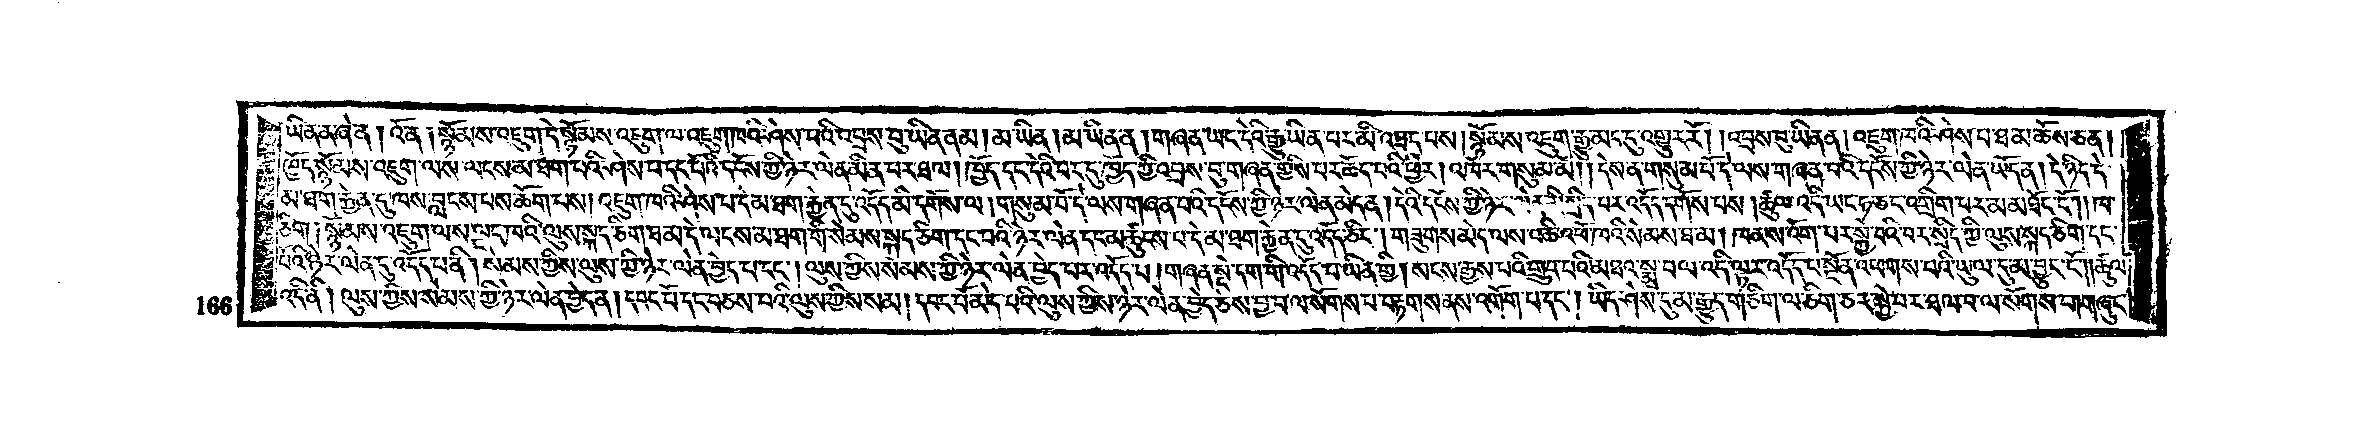ཡིན་ན་ཞེ་ན། འོ་ན༑ སྙོམས་འཇུག་དེ་སྙོམས་འཇུག་ལ་འཇུག་ཁའི་ཤེས་པའི་འབྲས་བུ་ཡིན་ནམ། མ་ཡིན། མ་ཡིན་ན། གཞན་ཡང་དེའི་རྒྱུ་ཡིན་པར་མི་འཐད་པས། སྙོམས་འཇུག་རྒྱུ་མང་དུ་འགྱུར་རོ། །འབྲས་བུ་ཡིན་ན། འཇུག་ཁའི་ཤེས་པ་ཐ་མ་ཆོས་ཅན།
ཁྱོད་སྙོམས་འཇུག་ལས་ལངས་མ་ཐག་པའི་ཤེས་པ་དང་པོའི་དངོས་ཀྱི་ཉེར་ལེན་མིན་པར་ཐལ། ཁྱོད་དང་དེའི་བར་དུ་ཁྱོད་ཀྱི་འབྲས་བུ་གཞན་གྱིས་བར་ཆོད་པའི་ཕྱིར། འཁོར་གསུམ་མོ། །དེས་ན་གསུམ་པོ་དེ་ལས་གཞན་པའི་དངོས་ཀྱི་ཉེར་ལེན་ཡོད་ན། དེ་ཉིད་དེ་
མ་ཐག་རྐྱེན་དུ་ཁས་བླངས་པས་ཆོག་པས། འཇུག་ཁའི་ཤེས་པ་དེ་མ་ཐག་རྐྱེན་དུ་འདོད་མི་དགོས་ལ། གསུམ་པོ་དེ་ལས་གཞན་པའི་དངོས་ཀྱི་ཉེར་ལེན་མེད་ན། དེའི་དངོས་ཀྱི་ཉེར་ལེན་མི་སྲིད་པར་འདོད་དགོས་པས། ཚུལ་འདི་ཡང་ཧ་ཅང་འགྲིག་པར་མ་མཐོང་ངོ། །ཁ་
ཅིག ༑སྙོམས་འཇུག་ལས་ལྡང་ཁའི་ལུས་སྐད་ཅིག་ཐ་མ་དེ་ལངས་མ་ཐག་གི་སེམས་སྐད་ཅིག་དང་པའི་ཉེར་ལེན་དང་མཚུངས་པ་དེ་མ་ཐག་རྐྱེན་དུ་འདོད་ཅིང་། གཟུགས་མེད་ལས་འཆི་འཕོ་ཁའི་སེམས་ཐ་མ། ཁམས་འོག་མར་སྐྱེ་བའི་བར་སྲིད་ཀྱི་ལུས་སྐད་ཅིག་དང་
པོའི་ཉེར་ལེན་དུ་འདོད་པ་ནི། སེམས་ཀྱིས་ལུས་ཀྱི་ཉེར་ལེན་བྱེད་པ་དང་། ལུས་ཀྱིས་སེམས་ཀྱི་ཉེར་ལེན་བྱེད་པར་འདོད་པ། གཞན་སྡེ་དག་གི་འདོད་པ་ཡིན་གྱི། སངས་རྒྱས་པའི་གྲུབ་པའི་མཐའ་སྨྲ་བ་ལ་འདི་ལྟར་འདོད་པ་སྔོན་འཕགས་པའི་ཡུལ་དུ་མ་བྱུང་ངོ། །ཚུལ་
འདི་ནི། ལུས་ཀྱིས་སེམས་ཀྱི་ཉེར་ལེན་བྱེད་ན། དབང་པོ་དང་བཅས་པའི་ལུས་ཀྱིས་སམ། དབང་པོ་མེད་པའི་ལུས་ཀྱིས་ཉེར་ལེན་བྱེད་ཅེས་བྱ་བ་ལ་སོགས་པ་བརྟགས་ནས་འགོག་པ་དང་། ཡིད་ཤེས་དུ་མ་རྒྱུད་གཅིག་ལ་ཅིག་ཅར་སྐྱེ་པར་ཐལ་བ་ལ་སོགས་པ། གཞུང་